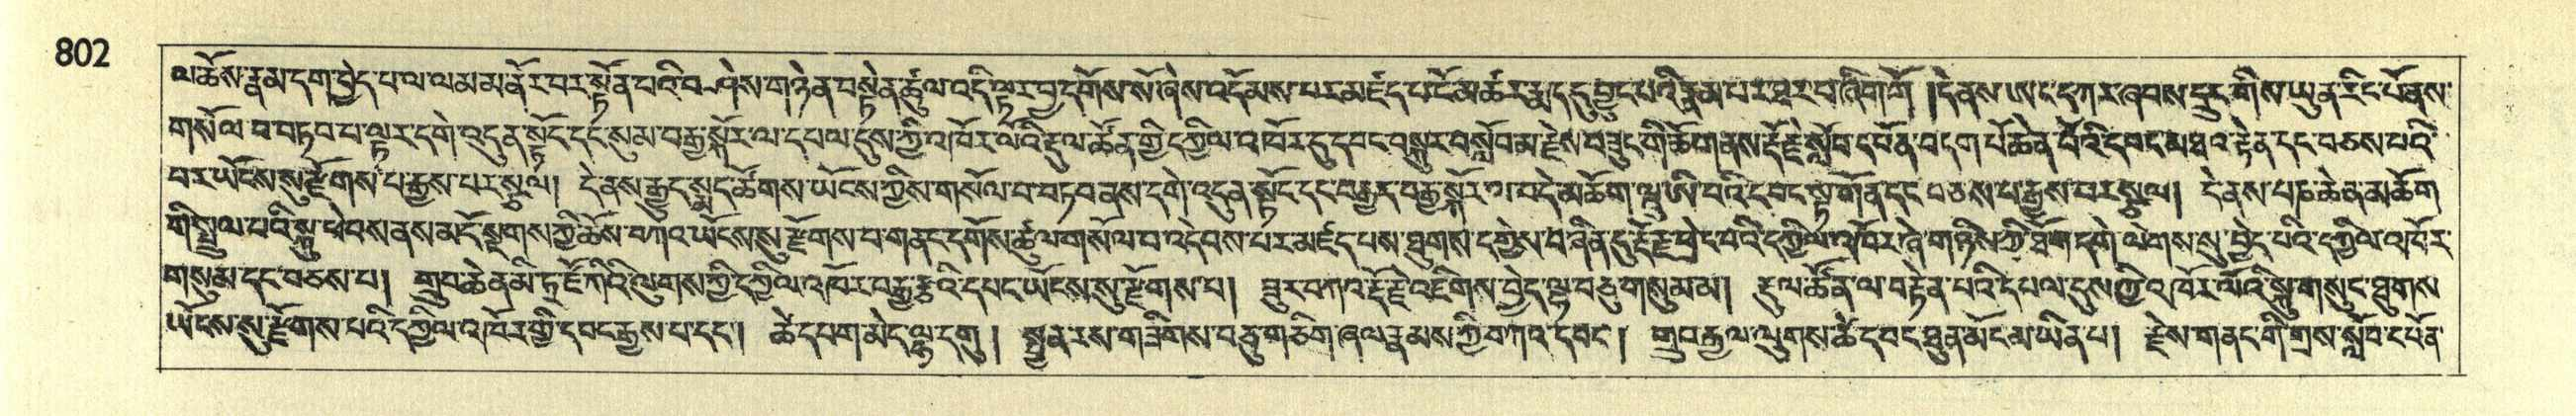ལ་ཆོས་རྣམ་དག་བྱེད་པ་ལ་ལམ་མ་ནོར་བར་སྟོན་པའི་བཤེས་གཉེན་བསྟེན་ཚུལ་འདི་ལྟར་བྱ་དགོས་སོ་ཞེས་འདོམས་པར་མཛད་པ་ངོ་མཚར་རྨད་དུ་བྱུང་པའི་རྣམ་པར་ཐར་བ་ཞིག་གོ །དེ་ནས་ཨང་དཀར་ཞབས་དྲུང་གིས་ཡུན་རིང་པོ་ནས་
གསོལ་བ་བཏབ་པ་ལྟར་དགེ་འདུན་སྟོང་དང་སུམ་བརྒྱ་སྐོར་ལ་དཔལ་དུས་ཀྱི་འཁོར་ལོའི་རྡུལ་ཚོན་གྱི་དཀྱིལ་འཁོར་དུ་དབང་བསྐུར་བ་སློབ་མ་རྗེས་བཟུང་གི་ཆོ་ག་ནས་རྡོ་རྗེ་སློབ་དཔོན་བདག་པོ་ཆེན་བོའི་དབང་མཐའ་རྟེན་དང་བཅས་པའི་
བར་ཡོངས་སུ་རྫོགས་པ་རྒྱས་པར་སྩལ། དེ་ནས་རྒྱུད་སྨད་ཚོགས་ཡོངས་ཀྱིས་གསོལ་བ་བཏབ་ནས་དགེ་འདུན་སྟོང་དང་བརྒྱད་བརྒྱ་སྐོར་ལ་བདེ་མཆོག་ལཱུ་ཨི་བའི་དབང་སྟ་གོན་དང་བཅས་པ་རྒྱས་པར་སྩལ། དེ་ནས་པཎ་ཆེན་མཆོག་
གི་སྤྲུལ་པའི་སྐུ་ཕེབས་ནས་མདོ་སྔགས་ཀྱི་ཆོས་བཀའ་ཡོངས་སུ་རྫོགས་པ་གནང་དགོས་ཚུལ་གསོལ་བ་འདེབས་པར་མཛད་པས་ཐུགས་དགྱེས་བཞིན་དུ་རྡོ་རྗེ་ཕྲེང་བའི་དཀྱིལ་འཁོར་ཞེ་གཉིས་ཀྱི་ཐོག་དགེ་ལེགས་སུ་བྱེད་པའི་དཀྱིལ་འཁོར་
གསུམ་དང་བཅས་པ། གྲུབ་ཆེན་མི་ཏྲ་ཛོ་ཀིའི་ལུགས་ཀྱི་དཀྱིལ་འཁོར་བརྒྱ་རྩའི་དཔང་ཡོངས་སུ་རྫོགས་པ། ཟུར་བཀའ་རྡོ་རྗེ་འཇིགས་བྱེད་ལྷ་བཅུ་གསུམ་མ། རྡུལ་ཚོན་ལ་བརྟེན་པའི་དཔལ་དུས་ཀྱི་འཁོར་ལོའི་སྐུ་གསུང་ཐུགས་
ཡོངས་སུ་རྫོགས་པའི་དཀྱིལ་འཁོར་གྱི་དབང་རྒྱས་པ་དང་། ཚེ་དཔག་མེད་ལྷ་དགུ། སྤྱན་རས་གཟིགས་བཅུ་གཅིག་ཞལ་རྣམས་ཀྱི་བཀའ་དབང་། གྲུབ་རྒྱལ་ལུགས་ཚེ་དབང་ཐུན་མོང་མ་ཡིན་པ། རྗེས་གནང་གི་གྲས་སློབ་དཔོན་